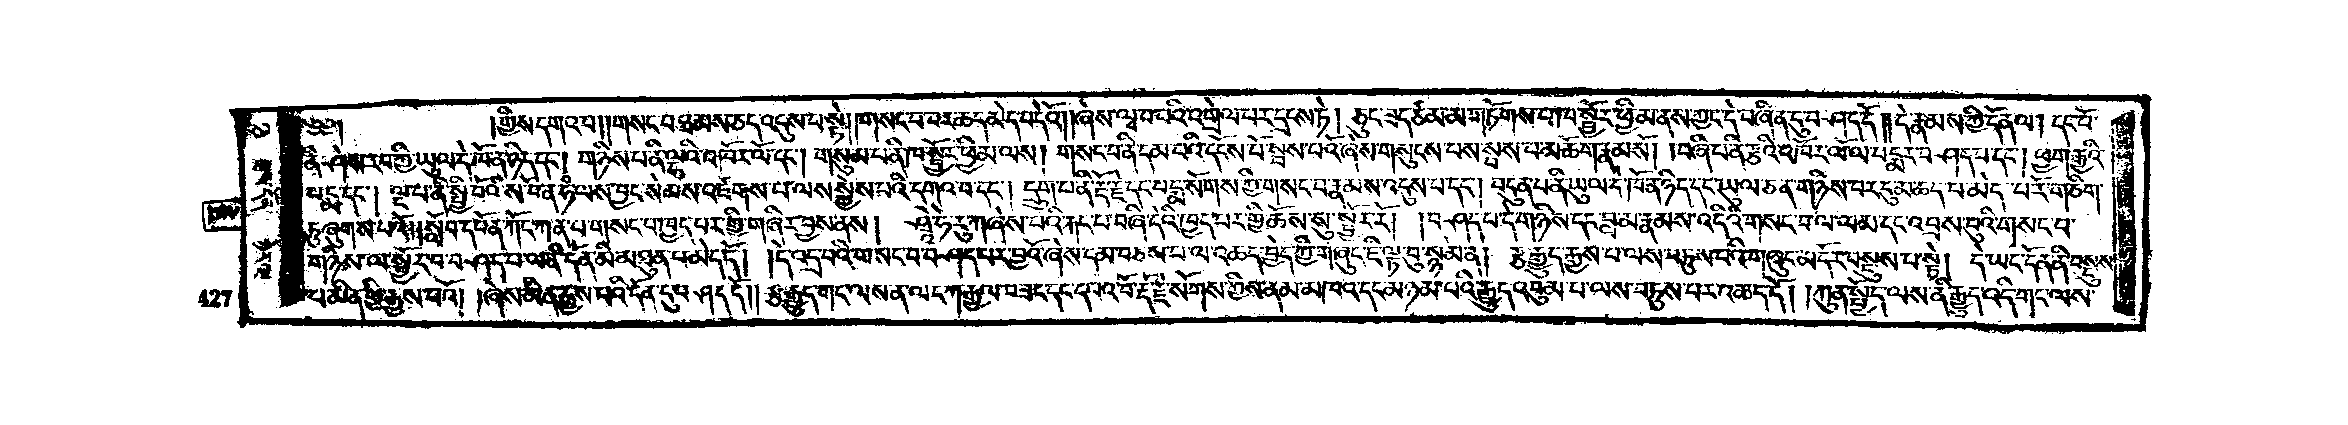༄༅། །གྱིས་དགའ་བ། །གསང་བ་ཐམས་ཅད་འདུས་པ་སྟེ། །གསང་བ་བར་ཆད་མེད་བདེའོ། །ཞེས་ལྭ་བ་པའི་འགྲེལ་པར་དྲངས་ཏེ། ཅུང་ཟད་ཙམ་མ་གཏོགས་པ་ཁ་སྦྱོར་ཕྱི་མ་ནས་ཀྱང་དེ་བཞིན་དུ་བཤད་དོ། །དེ་རྣམས་ཀྱི་དོན་ལ། དང་པོ་
ནི་ཤེས་རབ་ཀྱི་ཡུལ་དེ་ཁོ་ན་ཉིད་དང་། གཉིས་པ་ནི་ལྷའི་འཁོར་ལོ་དང་། གསུམ་པ་ནི་ཁ་སྦྱོར་ཕྱི་མ་ལས། གསང་བ་ནི་དམ་པའི་དངོས་པོ་སྦས་པའོ་ཞེས་གསུངས་པས་སྦས་པ་མཆོག་རྣམས་སོ། །བཞི་པ་ནི་རྩའི་འཁོར་ལོ་ལ་པདམར་བཤད་པ་དང་། ཕྱག་རྒྱའི་
པདམ་དང་། ལྔ་པ་ནི་སྤྱི་བོའི་ས་བོན་ཧཾ་ལས་བྱང་སེམས་འཛགས་པ་ལས་སྐྱེས་པའི་དགའ་བ་དང་། དྲུག་པ་ནི་རྡོ་རྗེ་དང་པདམ་སོགས་ཀྱི་གསང་བ་རྣམས་འདུས་པ་དང་། བདུན་པ་ནི་ཡུལ་དེ་ཁོ་ན་ཉིད་དང་ཡུལ་ཅན་གཉིས་བར་དུ་མ་ཆད་པ་མེད་པ་རོ་གཅིག་
ཏུ་ཞུགས་པའོ། །སློབ་དཔོན་ཀོང་ཀན་པ་གསང་བ་ཁྱད་པར་གྱི་གཞིར་བྱས་ནས། ཤྲཱི་ཧེ་རུ་ཀ་ཞེས་པའི་རྐང་པ་བཞི་དེའི་ཁྱད་པར་གྱི་ཆོས་སུ་སྦྱོར་རོ། །བཤད་པ་དེ་གཉིས་དང་བླ་མ་རྣམས་འདིའི་གསང་བ་ལ་ལམ་དང་འབྲས་བུའི་གསང་བ་
གཉིས་ལ་སྦྱོར་བ་བཤད་པ་ལ་ནི་དོན་མི་མཐུན་པ་མེད་དོ། །དེ་འདྲ་བའི་གསང་བ་བཤད་པར་བྱའོ་ཞེས་དམ་བཅས་པ་ལ་འཆད་བྱེད་ཀྱི་གཞུང་ཇི་ལྟ་བུ་སྙམ་ན། རྩ་རྒྱུད་རྒྱས་པ་ལས་བཏུས་པའི་གཞུང་མདོར་བསྡུས་པ་སྟེ། དེ་ཡང་དོན་ནི་བསྡུས་
པ་མིན་གྱི་རྒྱས་པའོ། །ཞེས་མིན་རྒྱས་པའི་དོན་དུ་བཤད་དོ། །རྩ་རྒྱུད་གང་ལས་ན་ལང་ཀ་རྒྱལ་བཟང་དང་དཔའ་བོ་རྡོ་རྗེ་སོགས་ཀྱིས་ནམ་མཁའ་དང་མཉམ་པའི་རྒྱུད་འབུམ་པ་ལས་བཏུས་བར་འཆད་དོ། །ཀུན་སྤྱོད་ལས་ནི་རྒྱུད་འདི་གང་ལས་